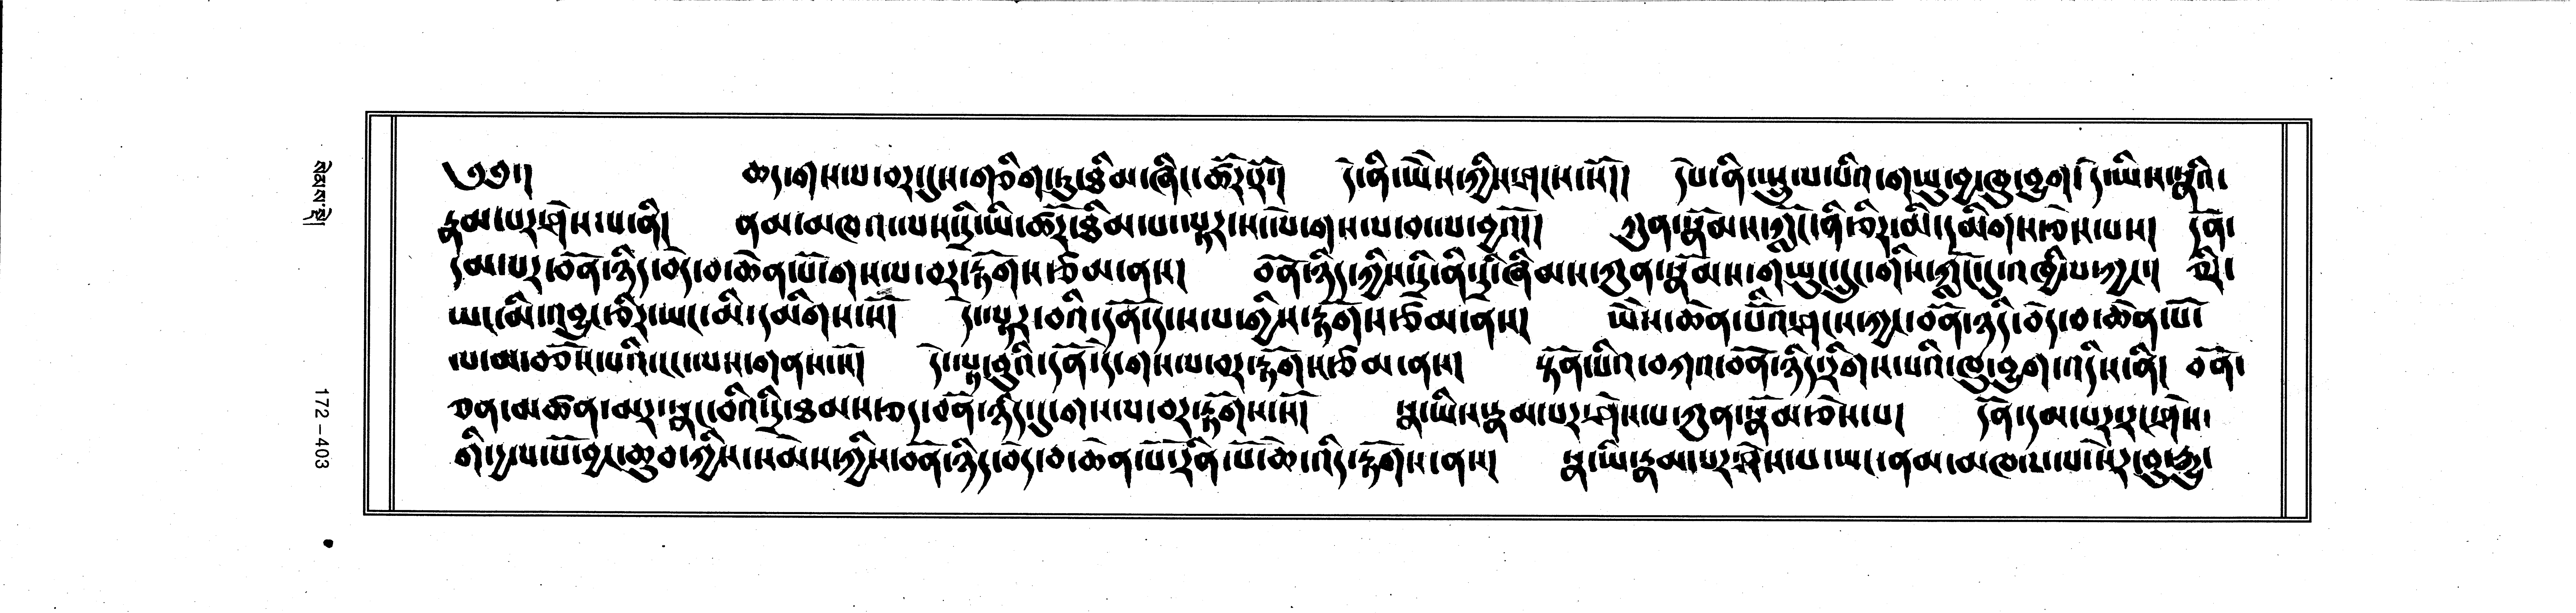ཆད་གསལ་བར་དུས་གཅིག་ཏུ་ཐིམ་ཞིང་ཚོར་རོ། དེ་ནི་ཡེ་ཤེས་ཀྱིས་ཤངས་སོ། དཔེ་ནི་སྤྲུལ་པའི་གཡུ་བྱ་ཁུ་བྱུག་དེ་ཡིས་སྣའི་
རྣམ་པར་ཤེས་པ་ནི། ནམ་མཁའ་ལས་དྲི་ཡི་ཚོར་ཐིམ་པ་ལྟར་ས་ལེ་གསལ་བ་ལ་བྱའོ། ཀུན་སྣོམས་ཀློང་ནི་ཅིར་མི་དམིགས་ཅེས་པས། དོན་
དམ་པར་བོན་ཉིད་བདེ་བ་ཆེན་པོ་གསལ་བར་རྟོགས་ཙམ་ནས། བོན་ཉིད་ཀྱིས་དྲི་ནི་དྲི་ཞིམས་ཀུན་སྣོམས་གཡུང་དྲུང་གིས་ཀློང་དུ་འཁྱིལ་ཀྱང་། ཅིར་
ཡང་མི་འབྱུང་ཅིར་ཡང་མི་དམིགས་སོ། དེ་ལྟར་བའི་དོན་དེ་སལ་གྱིས་རྟོགས་ཙམ་ནས། ཡེ་ཤེས་ཆེན་པོའི་ཤངས་ཀྱང་བོན་ཉིད་བདེ་བ་ཆེན་པོ་
ལ་མ་བཅོས་པའི་ངང་ལས་གནས་སོ། དེ་ལྟར་བུའི་དོན་དེ་གསལ་བར་རྟོགས་ཙམ་ནས། སྟོན་པའི་བཀའ་བོན་ཉིད་རིག་པའི་ཁུ་བྱུག་འདིས་ནི། བོན་
ཅན་མཚན་མར་སྣང་བའི་དྲི་ཐམས་ཅད་བོན་ཉིད་དུ་གསལ་བར་རྟོགས་སོ། སྣ་ཡིས་རྣམ་པར་ཤེས་པ་ཀུན་སྣོམ་ཅེས་པ། དོན་དམ་པར་རང་ཤེས་
གི་རྒྱལ་པོ་བྱང་ཆུབ་ཀྱིས་སེམས་ཀྱིས་བོན་ཉིད་བདེ་བ་ཆེན་པོ་རིན་པོ་ཆེ་འདི་རྟོགས་ནས། སྣ་ཡི་རྣམ་པར་ཤེས་པ་ཡང་ནམ་མཁའ་ལ་སེར་བུ་རྒྱུ་